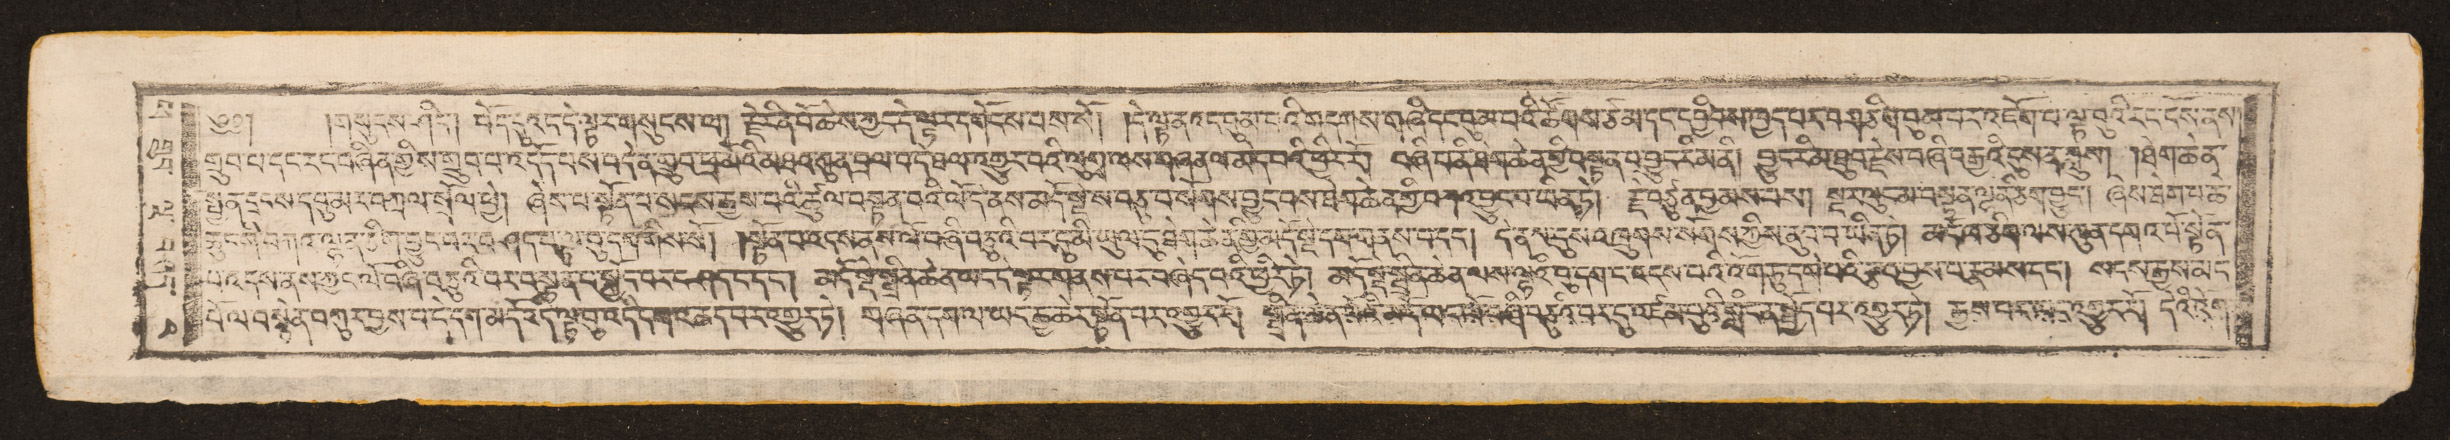༄༅། །གསུངས་ཤིང་། བོད་དུའང་དེ་ལྟར་གསུངས་ལ། རྗེ་རིན་པོ་ཆེས་ཀྱང་དེ་ལྟར་དགོངས་པས་སོ། །དེ་ལྟ་ནའང་བུམ་པའི་གདགས་གཞི་དང་བུམ་པའི་ཚོགས་ཙམ་དང་དབྱིབས་ཁྱད་པར་བ་གཅིག་བུམ་པར་འཇོག་པ་ལྟ་བུའི་རང་ངོས་ནས་
གྲུབ་པ་དང་རང་བཞིན་གྱིས་གྲུབ་བ་འདོད་པས་བདེན་གྲུབ་ཕྲ་མོའི་མཐའ་ཀུན་བྲལ་བ་དེ་ཐལ་འགྱུར་བའི་ལུགས་ལས་གཞན་ལ་མེད་པའི་ཕྱིར་རོ། བཞི་པ་ནི་ཐེག་ཆེན་གྱི་བསྟན་པ་བྱུང་རིམ་ནི། བྱུང་རིམ་ཐུབ་རྗེས་བཞི་བརྒྱའི་དུས་ན་ཀླུས། །ཐེག་ཆེན་
སྤྱན་དྲངས་དབུ་མར་བཀྲལ་སྲོལ་ཕྱེ། ཞེས་བ་སྟོན་པ་སངས་རྒྱས་པའི་ཚུལ་བསྟན་པའི་ལོ་དེ་ནས་མདོ་སྡེ་ས་བཅུ་པ་སོགས་བྱུང་བས་ཐེག་ཆེན་གྱི་བཀའ་བྱུང་བ་ཡིན་ཏེ། རྗེ་བཙུན་བྱམས་པས། སྔར་ལུང་མ་བསྟན་ལྷན་ཅིག་བྱུང་། ཞེས་ཐེག་པ་ཆེ་
ཆུང་གི་བཀའ་ལྷན་ཅིག་བྱུང་བར་བཤད་པ་ལྟ་བུ་དག་གིས་སོ། །སྟོན་པ་འདས་ནས་ལོ་བཞི་བཅུའི་བར་དུ་མི་ཡུལ་དུ་ཐེག་ཆེན་གྱི་མདོ་སྡེ་དག་གནས་པ་དང་། དེ་ནས་དུས་འཁྲུགས་སོགས་ཀྱིས་ནུབ་པ་ཡིན་ཏེ། མདོ་ཁ་ཅིག་ལས་ཀུན་དགའ་བོ་སྟོན་
པ་འདས་ནས་ཀྱང་ལོ་བཞི་བཅུའི་བར་བསྟན་པ་སྐྱོང་བར་བཤད་པ་དང་། མདོ་སྡེ་སྤྲིན་ཆེན་ཡང་དེ་ལྟར་གནས་པར་བཞེད་པའི་ཕྱིར་ཏེ། མདོ་སྡེ་སྤྲིན་ཆེན་ལས་ལྷའི་བུ་དག་ང་འདས་པའི་འོག་ཏུ་དགེ་བའི་རྩ་བ་བྱས་པ་རྣམས་དང་། སངས་རྒྱས་མང་
པོ་ལ་བསྙེན་བཀུར་བྱས་པ་དེ་དག་མདོ་འདི་ལྟ་བུ་འདི་དག་འཆད་པར་འགྱུར་ཏེ། གཞན་དག་ལ་ཡང་རྒྱ་ཆེར་སྟོན་པར་འགྱུར་རོ། སྤྲིན་ཆེན་པོའི་མདོ་ཡང་ལོ་བཞི་བཅུའི་བར་དུ་འཛམ་བུའི་གླིང་ན་སྤྱོད་པར་འགྱུར་ཏེ། རྒྱས་པར་ཡང་འགྱུར་རོ། དེའི་འོག་